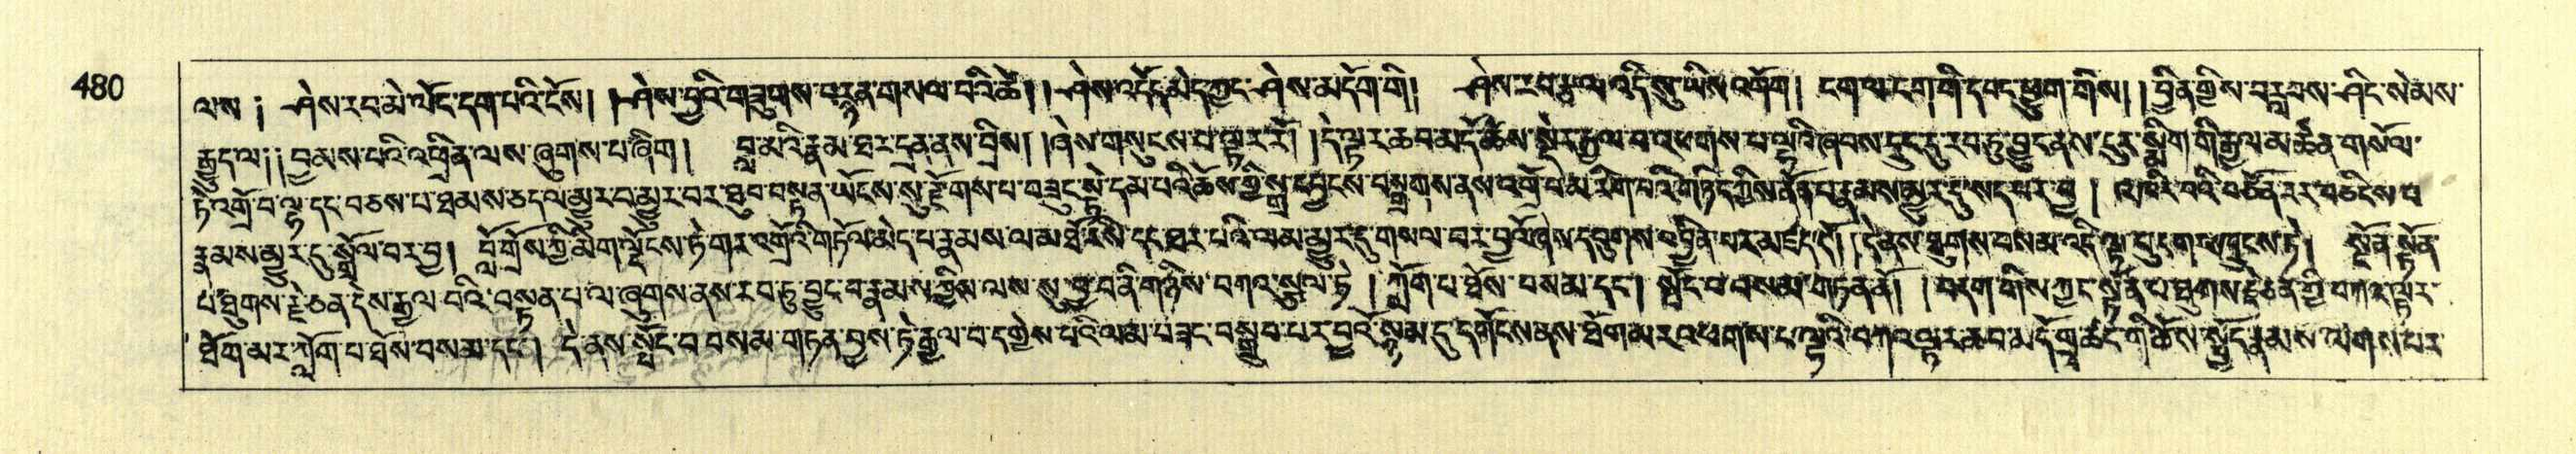ལས༑ ཤེས་རབ་མེ་ལོང་དག་པའི་ངོས། །ཤེས་བྱའི་གཟུགས་བརྙན་གསལ་བའི་ཚེ། །ཤེས་འདོད་མེད་ཀྱང་ཤེས་མདོག་གི། ཤེས་རབ་རྩལ་འདི་སུ་ཡིས་འགོག། ངག་ལ་ངག་གི་དབང་ཕྱུག་གིས། །བྱིན་གྱིས་བརླབས་ཤིང་སེམས་
རྒྱུད་ལ༑ ༑བྱམས་པའི་འཕྲིན་ལས་ཞུགས་པ་ཞིག། བླ་མའི་རྣམ་ཐར་དྲན་ནས་བྲིས། །ཞེས་གསུངས་པ་ལྟར་རོ། །དེ་ལྟར་ཆབ་མདོ་ཆོས་སྡེར་རྒྱལ་བ་འཕགས་པ་ལྷའི་ཞབས་དྲུང་དུ་རབ་ཏུ་བྱུང་ནས་དུར་སྨིག་གི་རྒྱལ་མཚན་གསོལ་
ཏེ་འགྲོ་བ་ལྷ་དང་བཅས་པ་ཐམས་ཅད་ལ་མྱུར་བ་མྱུར་བར་ཐུབ་བསྟན་ཡོངས་སུ་རྫོགས་པ་བཟུང་སྟེ་དམ་པའི་ཆོས་གྱི་སྒྲ་དབྱངས་བསྒྲགས་ནས་འགྲོ་བ་མ་རིག་པའི་གཉིད་ཀྱིས་ནོན་པ་རྣམས་མྱུར་དུ་སད་པར་བྱ། འཁིར་བའི་བཙོན་རར་བཅིངས་པ་
རྣམས་མྱུར་དུ་སྒྲོལ་བར་བྱ། བློ་གྲོས་ཀྱི་མིག་ལྡོངས་ཏེ་གར་འགྲོའི་གཏོལ་མེད་པ་རྣམས་ལ་མཐོ་རིས་དང་ཐར་པའི་ལམ་མྱུར་དུ་གསལ་བར་བྱའོ་ཞེས་དབུགས་འབྱིན་པར་མཛད་དོ། །དེ་ནས་ཐུགས་བསམ་འདི་ལྟ་ངག་འཁྲུངས་ཏེ། སྔོན་སྟོན་
པ་ཐུགས་རྗེ་ཅན་དེས་རྒྱལ་བའི་བསྟན་པ་ལ་ཞུགས་ནས་རབ་ཏུ་བྱུང་བ་རྣམས་ཀྱིས་ལས་སུ་བྱ་བ་ནི་གཉིས་བཀའ་སྩལ་ཏེ། ཀློག་པ་ཐོས་བསམ་དང་། སྤོང་བ་བསམ་གཏན་ནོ། །བདག་གིས་ཀྱང་སྟོན་པ་ཐུགས་རྗེ་ཅན་གྱི་བཀའ་ལྟར་
ཐོག་མར་ཀློག་པ་ཐོས་བསམ་དང་། དེ་ནས་སྤོང་བ་བསམ་གཏན་བྱས་ཏེ་རྒྱལ་བ་དགྱེས་པའི་ལམ་བཟང་བསྒྲུབ་པར་བྱའོ་སྙམ་དུ་དགོངས་ནས་ཐོག་མར་འཕགས་པ་ལྷའི་བཀའ་ལྟར་ཆབ་མདོ་གྲྭ་ཚང་གི་ཆོས་སྤྱོད་རྣམས་ལགས་པར་